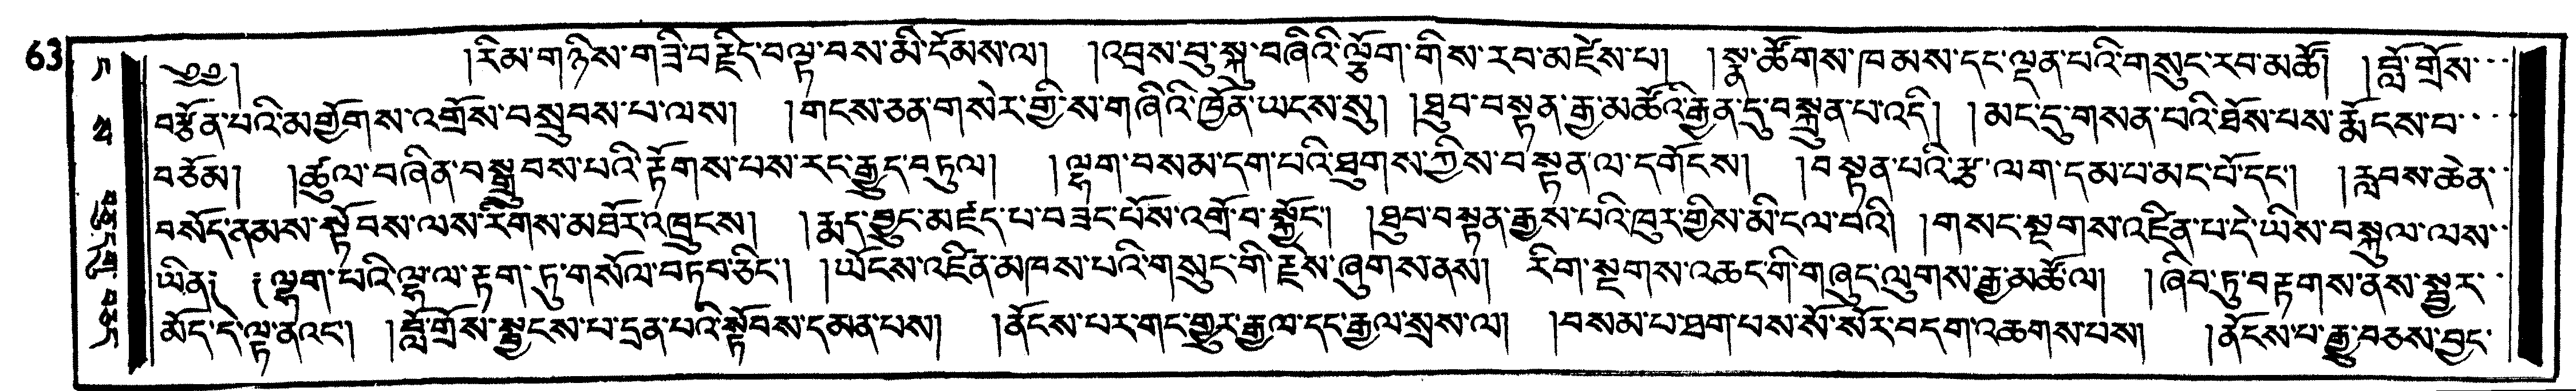༄༅། །རིམ་གཉིས་གཟི་བརྗིད་བལྟ་བས་མི་ངོམས་ལ། །འབྲས་བུ་སྐུ་བཞིའི་ལྕོག་གིས་རབ་མཛེས་པ། །སྣ་ཚོགས་ཁམས་དང་ལྡན་པའི་གསུང་རབ་མཚོ། །བློ་གྲོས་
བརྩོན་པའི་མགྱོགས་འགྲོས་བསྲུབས་པ་ལས། །གངས་ཅན་གསེར་གྱི་ས་གཞིའི་ཁྱོན་ཡངས་སུ། །ཐུབ་བསྟན་རྒྱ་མཚོའི་རྒྱན་དུ་བསྐྲུན་པ་འདི། །མང་དུ་གསན་པའི་ཐོས་པས་རྨོངས་པ་
བཅོམ། །ཚུལ་བཞིན་བསྒྲུབས་པའི་རྟོགས་པས་རང་རྒྱུད་བཏུལ། །ལྷག་བསམ་དག་པའི་ཐུགས་ཀྱིས་བསྟན་ལ་དགོངས། །བསྟན་པའི་རྩ་ལག་དམ་པ་མང་པོ་དང་། །རླབས་ཆེན་
བསོད་ནམས་སྟོབས་ལས་རིགས་མཐོར་འཁྲུངས། །རྨད་བྱུང་མཛད་པ་བཟང་པོས་འགྲོ་བ་སྐྱོང་། །ཐུབ་བསྟན་རྒྱས་པའི་ཁུར་གྱིས་མི་ངལ་བའི། །གསང་སྔགས་འཛིན་པ་དེ་ཡིས་བསྐུལ་ལས་
ཡིན༑ ༑ལྷག་པའི་ལྷ་ལ་རྟག་ཏུ་གསོལ་བཏབ་ཅིང་། །ཡོངས་འཛིན་མཁས་པའི་གསུང་གི་རྗེས་ཞུགས་ནས། རིག་སྔགས་འཆང་གི་གཞུང་ལུགས་རྒྱ་མཚོ་ལ། །ཞིབ་ཏུ་བརྟགས་ནས་སྦྱར་
མོད་དེ་ལྟ་ནའང་། །བློ་གྲོས་སྦྱངས་པ་དྲན་པའི་སྟོབས་དམན་པས། །ནོངས་པར་གང་གྱུར་རྒྱལ་དང་རྒྱལ་སྲས་ལ། །བསམ་པ་ཐག་པས་སོ་སོར་བདག་འཆགས་པས། །ནོངས་པ་རྒྱུ་བཅས་བྱང་